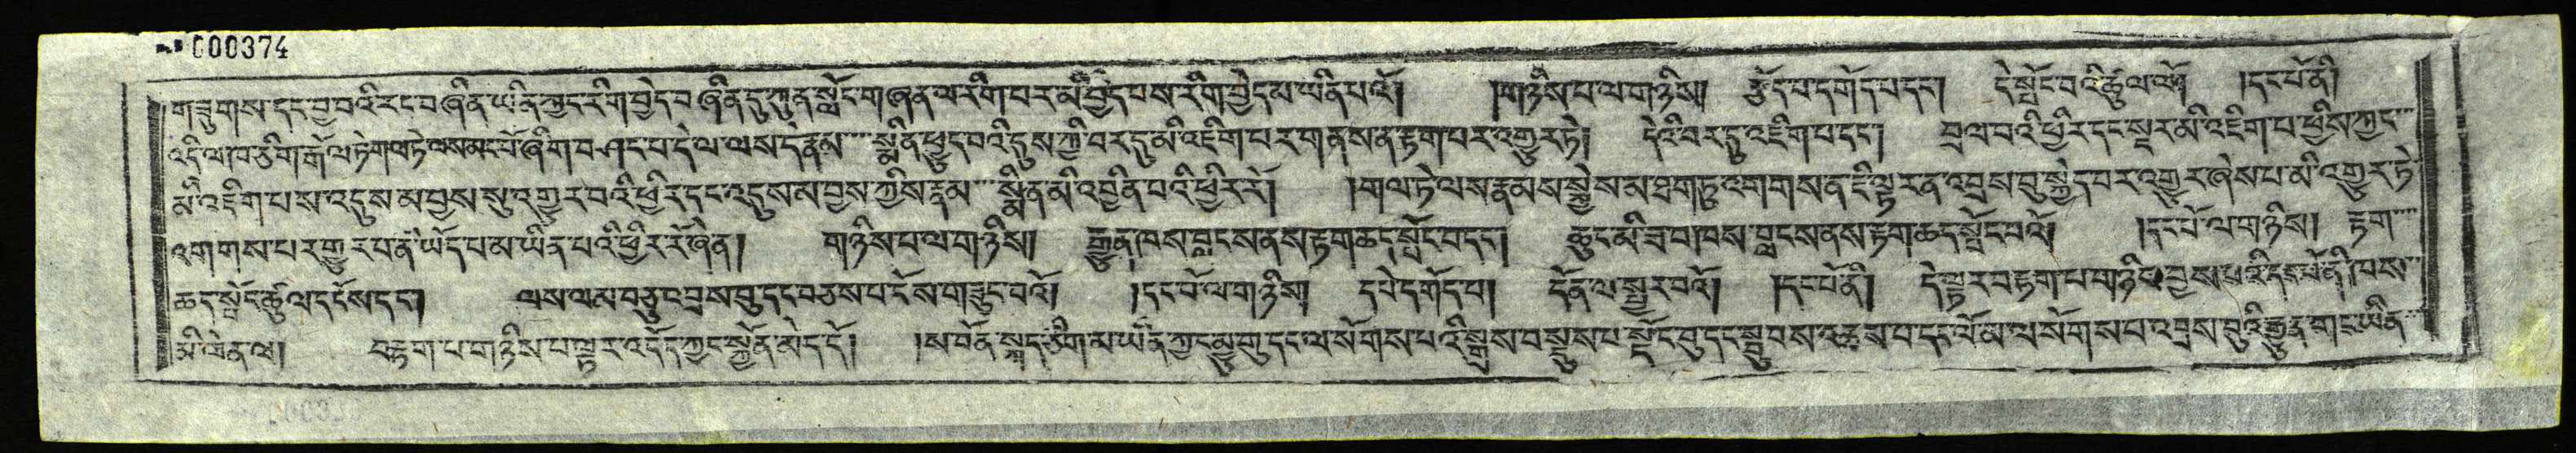གཟུགས་དང་བྱ་བའི་རང་བཞིན་ཡིན་ཀྱང་རིག་བྱེད་བཞིན་དུ་ཀུན་སློང་གཞན་ལ་རིག་པར་མི་བྱེད་པས་རིག་བྱེད་མ་ཡིན་པའོ། །གཉིས་པ་ལ་གཉིས། རྩོད་པ་དགོད་པ་དང་། དེ་སྤོང་བའི་ཚུལ་ལོ། །དང་པོ་ནི།
འདི་ལ་ཁ་ཅིག་རྒོལ་ཏེ་གལ་ཏེ་ལས་མང་པོ་ཞིག་བཤད་པ་དེ་ལ་ལས་དེ་རྣམ་སྨིན་ཕྱུང་བའི་དུས་ཀྱི་བར་དུ་མི་འཇིག་པར་གནས་ན་རྟག་པར་འགྱུར་ཏེ། དེའི་བར་དུ་འཇིག་པ་དང་། བྲལ་བའི་ཕྱིར་དང་སྔར་མི་འཇིག་པ་ཕྱིས་ཀྱང་
མི་འཇིག་པས་འདུས་མ་བྱས་སུ་འགྱུར་བའི་ཕྱིར་དང་འདུས་མ་བྱས་ཀྱིས་རྣམ་སྨིན་མི་འབྱིན་པའི་ཕྱིར་རོ། །གལ་ཏེ་ལས་རྣམས་སྐྱེས་མ་ཐག་ཏུ་འགགས་ན་ཇི་ལྟར་ན་འབྲས་བུ་སྐྱེད་པར་འགྱུར་ཞེས་པ་མི་འགྱུར་ཏེ་
འགགས་པར་གྱུར་པ་ནི་ཡོད་པ་མ་ཡིན་པའི་ཕྱིར་རོ་ཞེ་ན། གཉིས་པ་ལ་གཉིས། རྒྱུན་ཁས་བླངས་ནས་རྟག་ཆད་སྤོང་བ་དང་། ཆུང་མི་ཟ་བ་ཁས་བླངས་ནས་རྟག་ཆད་སྤོང་བའོ། །དང་པོ་ལ་གཉིས། རྟག་
ཆད་སྤོང་ཚུལ་དངོས་དང་། ལས་ལམ་བཅུ་འབྲས་བུ་དང་བཅས་པ་ངོས་གཟུང་བའོ། །དང་པོ་ལ་གཉིས། དཔེ་དགོད་པ། དོན་ལ་སྤྱར་བའོ། །དང་པོ་ནི། དེ་ལྟར་བརྟག་པ་གཉིས་བྱས་པའི་དང་པོ་ནི་ཁས་
མི་ལེན་ལ། བརྟག་པ་གཉིས་པ་ལྟར་འདོད་ཀྱང་སྐྱོན་མེད་དོ། །ས་བོན་སྐད་ཅིག་མ་ཡིན་ཀྱང་མྱུ་གུ་དང་ལ་སོགས་པའི་སྒྲས་བསྡུས་པ་སྡོང་བུ་དང་སྦུབས་བཅས་པ་དང་ལོ་མ་ལ་སོགས་པ་འབྲས་བུའི་རྒྱུན་གང་ཡིན་